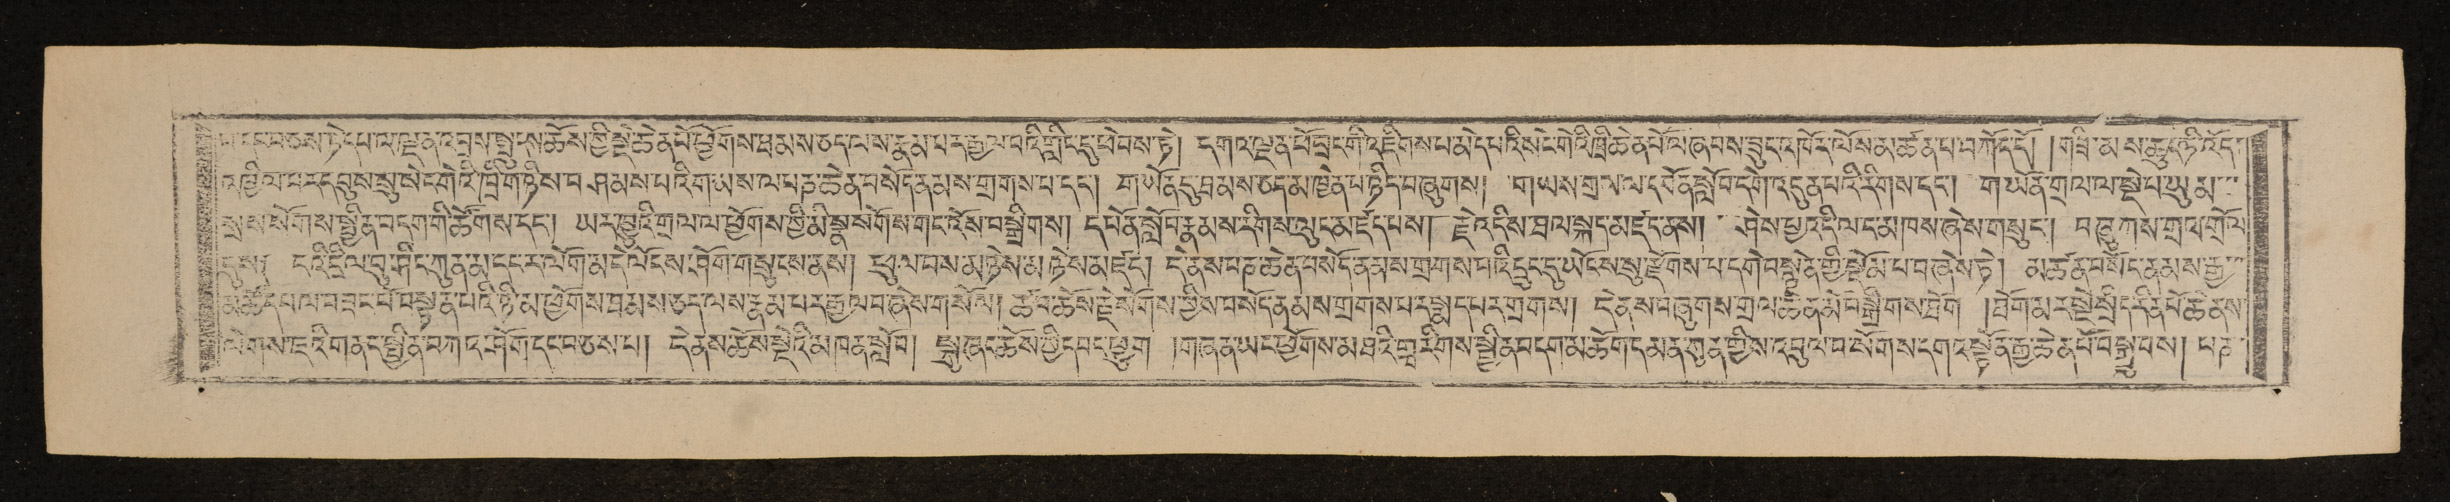པ་དང་བཅས་ཏེ་དཔལ་ལྡན་འབྲས་སྤུངས་ཆོས་ཀྱི་སྡེ་ཆེན་པོ་ཕྱོགས་ཐམས་ཅད་ལས་རྣམ་པར་རྒྱལ་བའི་གླིང་དུ་ཕེབས་ཏེ། དཀའ་ལྡན་ཕོ་བྲང་གི་འཇིགས་པ་མེད་པའི་སེང་གེའི་ཁྲི་ཆེན་པོ་ལ་ཞབས་ཟུང་འཁོར་ལོས་མཚན་པ་བཀོད་དོ། །གཟིམས་ཆུང་ཉི་འོད་
འཁྱིལ་བར་དབུས་སུ་སེང་གེའི་ཁྲི་གཉིས་བཤམས་པའི་གཡས་ལ་པཎ་ཆེན་བསོད་ནམས་གྲགས་པ་དང་། གཡོན་དུ་ཐམས་ཅད་མཁྱེན་པ་ཉིད་བཞུགས། གཡས་གྲལ་ལ་དཔོན་སློབ་དགེ་འདུན་པའི་རིགས་དང་། གཡོན་གྲལ་ལ་སྡེ་པ་ཡུམ་
སྲས་སོགས་སྦྱིན་བདག་གི་ཚོགས་དང་། ཡར་ཁྱུའི་གྲལ་ལ་ཕྱོགས་ཀྱི་མི་སྣ་སོགས་གང་འོས་བསྒྲིགས། དཔོན་སློབ་རྣམས་རིངས་ལུང་མཛད་པས། རྗེ་འདིས་ཐལ་སྐད་མཛད་ནས། ཤེས་བྱ་འདི་ལ་ང་མཁས་ཞེས་གསུང་། བཞུགས་གྲལ་གྲོལ་
དུས༑ ངའི་དྲིལ་བུ་ཤིང་ཀུན་མ་དང་ར་ལོག་མ་དེ་ལོངས་ཤོག་གསུངས་ནས། ཕུལ་བས་མཉེས་མཉེས་མཛད། དེ་ནས་པཎ་ཆེན་བསོད་ནམས་གྲགས་པའི་དྲུང་དུ་ཡོངས་སུ་རྫོགས་པ་དགེ་བསྙེན་གྱི་སྡོམ་པ་བཞེས་ཏེ། མཚན་བསོད་ནམས་རྒྱ་
མཚོ་དཔལ་བཟང་པོ་བསྟན་པའི་ཉི་མ་ཕྱོགས་ཐམས་ཅད་ལས་རྣམ་པར་རྒྱ་བ་ཞེས་གསོལ། ཚ་བ་ཆོས་རྗེ་སོགས་ཀྱིས་བསོད་ནམས་གྲགས་པར་སྨད་པར་གྲགས། དེ་ནས་བཞུགས་གྲལ་ཆེན་མོ་བསྒྲིགས་ཐོབ་།ཐོག་མར་སྡེ་སྲིད་རིན་པོ་ཆེ་ནས་
ལེགས་ཇའི་གནང་སྦྱིན་བཀའ་ཤོག་དང་བཅས་པ། དེ་ནས་ཆོས་སྡེའི་མཁན་སློབ། སྐུ་ཞང་ཆོས་ཀྱི་དབང་ཕྱུག །གཞན་ཡང་ཕྱོགས་མཐའི་གྲྭ་རིགས་སྦྱིན་བདག་མཆོག་དམན་ཀུན་གྱིས་འབུལ་བ་སོགས་དགའ་སྟོན་རྒྱ་ཆེན་པོ་བསྒྲུབས། པཎ་